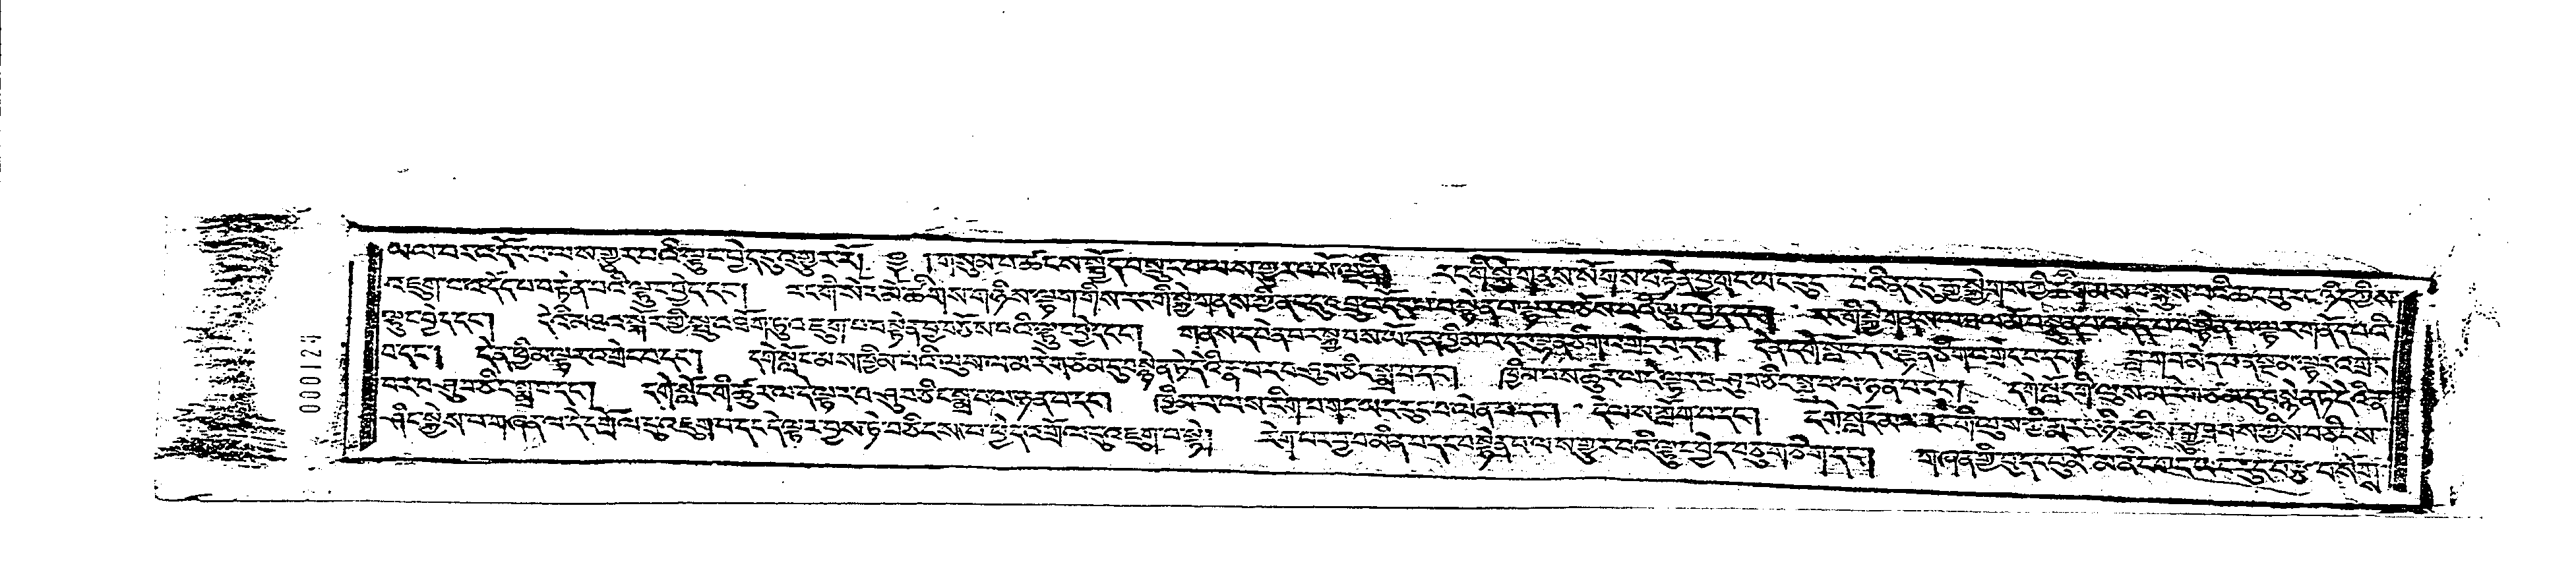ཡལ་བར་འདོར་བ་ལས་གྱུར་པའི་ལྟུང་བྱེད་དུ་འགྱུར་རོ། ༈ །གསུམ་པ་ཚངས་སྤྱོད་བསྲུང་བ་ལས་གྱུར་པ་སོ་ལྔ་ནི། རང་གི་སྐྱེ་གནས་སོགས་བརྟེན་བྱ་གང་ཡང་རུང་པའི་ནང་དུ་རྒྱ་སྐྱེགས་ཀྱི་ཚིག་མས་བསྐུས་པའི་ཆང་བུ་རང་ཉིད་ཀྱི་
འཇུག་པ་འདོད་པ་བརྟེན་པའི་ལྟུང་བྱེད་དང་། རང་གི་སོར་མོ་ཚིགས་གཉིས་ལྷག་གིས་རང་གི་སྐྱེ་གནས་ཀྱི་ནང་དུ་འབྲུ་འདོད་པ་བསྟེན་པ་ལྟར་བཅོས་པའི་ལྟུང་བྱེད་དང་། རང་གི་སྐྱེ་གནས་ལ་ཐལ་མོ་བསྣུན་པ་འདོད་པ་བསྟེན་པ་ལྟར་གནོད་པའི་
ལྟུང་བྱེད་དང་། དེའི་མཐའ་སྐོར་གྱི་སྤུ་འཐོག་ཏུ་འཇུག་པ་བསྟེན་བྱ་བཅོས་པའི་ལྟུང་བྱེད་དང་། གནས་དབེན་པར་སྐྱབས་ཡོད་ན་ཁྱིམ་པ་དང་ལྷན་ཅིག་འགྲེང་བ་དང་། དེ་ན་དགེ་སློང་དང་ལྷན་ཅིག་འགྲེང་བ་དང་། བླ་གབ་མེད་པ་ན་སྔ་མ་ལྟར་འགྲེང་
བ་དང་། དེ་ན་ཕྱི་མ་ལྟར་འགྲེང་བ་དང་། དགེ་སློང་མས་ཁྱིམ་པའི་ལུས་ལ་མ་རེག་ཙམ་དུ་བསྙེན་ཏེ་དེའི་རྣ་བར་བཤུབ་ཅིང་སྨྲ་བ་དང་། ཁྱིམ་པས་ཚུར་ལ་དེ་ལྟར་བཤུབ་ཅིང་སྨྲ་བ་ལ་ཉན་པ་དང་། དགེ་སློང་གི་ལུས་མ་རེག་ཙམ་དུ་བསྙེན་ཏེ་དེའི་རྣ་
བར་བཤུབ་ཅིང་སྨྲ་བ་དང་། དགེ་སློང་གི་ཚུར་ལ་དེ་ལྟར་བཤུབ་ཅིང་སྨྲ་བ་ལ་ཉན་པ་དང་། ཁྱིམ་པ་ལས་རིག་པ་གང་ཡང་རུང་བ་ལེན་པ་དང་། དེ་ལས་ཀློག་པ་དང་། དགེ་སློང་མར་རང་གི་ལུས་ཀྱི་རྨ་རང་ཉིད་ཀྱིས་སྒྱུ་ཐབས་ཀྱིས་བཅིངས་
ཤིང་སྐྱེས་པ་གཞན་ལ་དེ་དགྲོལ་དུ་འཇུག་པ་དང་དེ་ལྟར་བྱས་ཏེ་བཅིངས་པ་ཕྱེད་འགྲོལ་དུ་འཇུག་པ་སྟེ། རེག་པར་བྱ་བ་མིན་པ་དང་བསྟེན་པ་ལས་གྱུར་པའི་ལྟུང་བྱེད་བཅུ་གཅིག་དང་། གཞན་གྱི་བུ་དང་བུ་མོ་མ་ནིང་གང་ཡང་རུང་བ་རྩ་བ་སོགས་